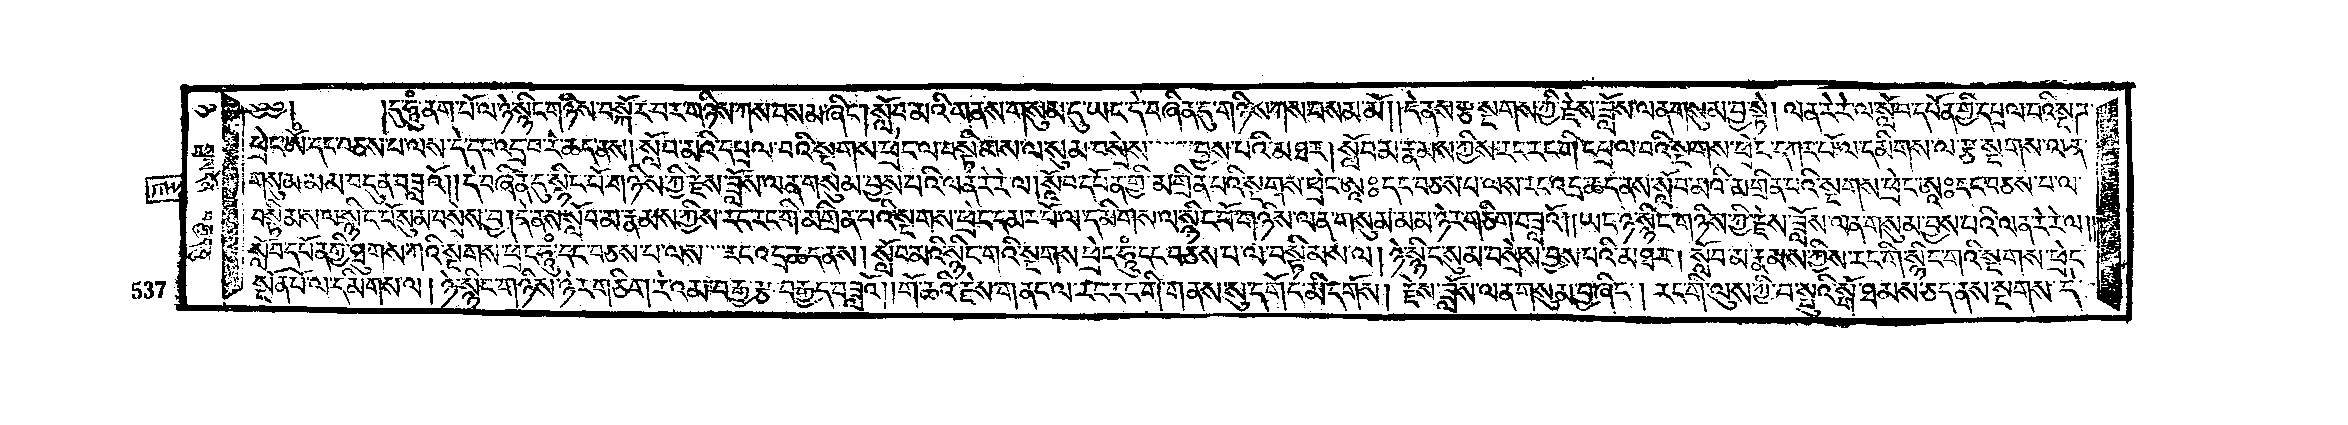༄༅། །དུ་ཧཱུཾ་ནག་པོ་ལ་ཉེ་སྙིང་གཉིས་བསྐོར་བར་གཉིས་ཀས་བསམ་ཞིང་། སློབ་མའི་གནས་གསུམ་དུ་ཡང་དེ་བཞིན་དུ་གཉིས་ཀས་བསམ་མོ། །དེ་ནས་རྩ་སྔགས་ཀྱི་རྗེས་བཟློས་ལན་གསུམ་བྱ་སྟེ། ལན་རེ་རེ་ལ་སློབ་དཔོན་གྱི་དཔྲལ་བའི་སྔགས་
ཕྲེང་ཨོཾ་དང་བཅས་པ་ལས་དེ་དང་འདྲ་བ་རེ་ཆད་ནས། སློབ་མའི་དཔྲལ་བའི་སྔགས་ཕྲེང་ལ་བསྟིམས་ལ་སུམ་བསྲེས་བྱས་པའི་མཐར། སློབ་མ་རྣམས་ཀྱིས་རང་རང་གི་དཔྲལ་བའི་སྔགས་ཕྲེང་དཀར་པོ་ལ་དམིགས་ལ་རྩ་སྔགས་ལན་
གསུམ་མམ་བདུན་བཟླའོ། །དེ་བཞིན་དུ་སྙིང་པོ་གཉིས་ཀྱི་རྗེས་ཟློས་ལན་གསུམ་བྱས་པའི་ལན་རེ་རེ་ལ། སློབ་དཔོན་གྱི་མགྲིན་པའི་སྔགས་ཕྲེང་ཨཱཿ དང་བཅས་པ་ལས་རང་འདྲ་ཆད་ནས་སློབ་མའི་མགྲིན་པའི་སྔགས་ཕྲེང་ཨཱཿ དང་བཅས་པ་ལ་
བསྟིམས་ལ་སྙིང་པོ་སུམ་བསྲེས་བྱ། དེ་ནས་སློབ་མ་རྣམས་ཀྱིས་རང་རང་གི་མགྲིན་པའི་སྔགས་ཕྲེང་དམར་པོ་ལ་དམིགས་ལ་སྙིང་པོ་གཉིས་ལན་གསུམ་མམ་ཉེར་གཅིག་བཟླའོ། །ཡང་ཉེ་སྙིང་གཉིས་ཀྱི་རྗེས་ཟློས་ལན་གསུམ་བྱས་པའི་ལན་རེ་རེ་ལ། །
སྔོན་པོ་ལ་དམིགས་ལ། ཉེ་སྙིང་གཉིས་ཉེར་གཅིག་རེ་འམ་བརྒྱ་རྩ་བརྒྱད་བཟླའོ། །གོ་ཆའི་རྗེས་གནང་ལ་རང་རང་གི་གནས་སུ་དགོད་མི་དགོས། རྗེས་ཟློས་ལན་གསུམ་བྱ་ཞིང་། རང་གི་ལུས་ཀྱི་བ་སྤུའི་སྒོ་ཐམས་ཅད་ནས་སྔགས་དེ་